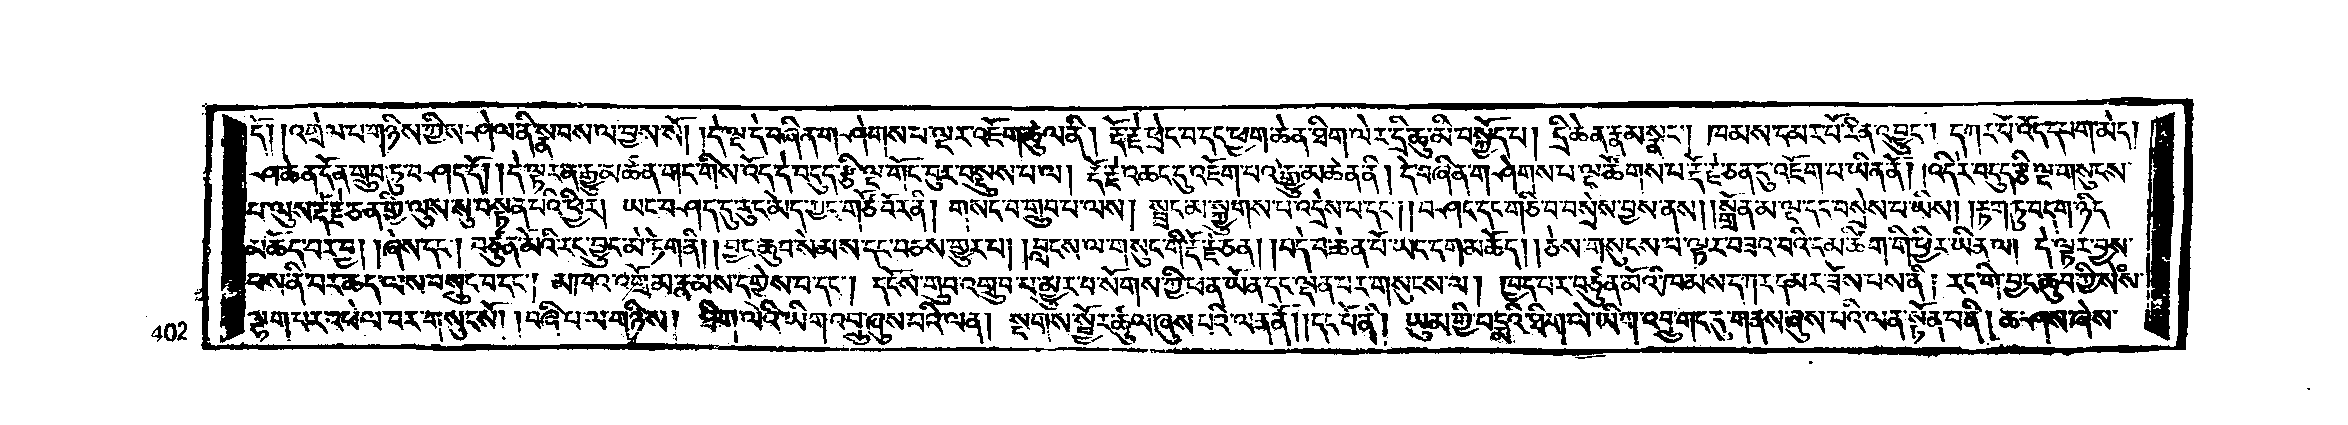དོ། །འགྲེལ་པ་གཉིས་ཀྱིས་ཤེལ་ནི་སྣབས་ལ་བྱས་སོ། །དེ་ལྔ་དེ་བཞིན་གཤེགས་པ་ལྔར་འཇོག་ཚུལ་ནི། རྡོ་རྗེ་ཕྲེང་བ་དང་ཕྱག་ཆེན་ཐིག་ལེར་དྲི་ཆུ་མི་བསྐྱོད་པ། དྲི་ཆེན་རྣམ་སྣང་། ཁམས་དམར་པོ་རིན་འབྱུང་། དཀར་པོ་འོད་དཔག་མེད།
ཤ་ཆེན་དོན་གྲུབ་ཏུ་བཤད་དོ། །དེ་ལྟར་ན་རྒྱུ་མཚན་གང་གིས་འོད་དེ་བདུད་རྩི་ལྔ་གོང་བུར་བསྡུས་པ་ལ། རྡོ་རྗེ་འཆང་དུ་འཇོག་པའི་རྒྱུ་མཚན་ནི། དེ་བཞིན་གཤེགས་པ་ལྔ་ཚོགས་པ་རྡོ་རྗེ་ཅན་དུ་འཇོག་པ་ཡིན་ནོ། །འདིར་བདུད་རྩི་ལྔ་གསུངས་
པ་ལུས་རྡོ་རྗེ་ཅན་གྱི་ལུས་སུ་བསྟན་པའི་ཕྱིར། ཡང་བཤད་དུ་རུང་མེད་ཀྱང་གཙོ་བོར་ནི། གསང་བ་གྲུབ་པ་ལས། སྦྲང་མ་སྐྱུགས་པ་འདྲེས་པ་དང་། །བཤང་དང་གཅི་བ་བསྲེས་བྱས་ནས། །སྒྲོན་མ་ལྔ་དང་བསྲེས་པ་ཡིས། །རྟག་ཏུ་བདག་ཉིད་
མཆོད་པར་བྱ། །ཞེས་དང་། བཙུན་མོའི་རང་བྱུང་མེ་ཏོག་ནི། །བྱང་ཆུབ་སེམས་དང་བཅས་གྱུར་པ། །བླངས་ལ་གསུང་གི་རྡོ་རྗེ་ཅན། །བདེ་བ་ཆེན་པོ་ཡང་དག་མཆོད། །ཅེས་གསུངས་པ་ལྟར་བཟའ་བའི་དམ་ཚིག་གི་ཕྱིར་ཡིན་ལ། དེ་ལྟར་བྱས་
པས་ནི་བར་ཆད་ལས་བསྲུང་བ་དང་། མཁའ་འགྲོ་མ་རྣམས་དགྱེས་པ་དང་། དངོས་གྲུབ་འགྲུབ་པ་མྱུར་བ་སོགས་ཀྱི་ཕན་ཡོན་དང་ལྡན་པར་གསུངས་ལ། ཁྱད་པར་བཙུན་མོའི་ཁམས་དཀར་དམར་ཟོས་པས་ནི། རང་གི་བྱང་ཆུབ་ཀྱི་སེམས་
ལྷག་པར་འཕེལ་བར་གསུངས་སོ། །བཞི་པ་ལ་གཉིས། ཐིག་ལེའི་ཡིག་འབྲུ་ཞུས་པའི་ལན། སྔགས་སྦྱོར་ཚུལ་ཞུས་པའི་ལན་ནོ། །དང་པོ་ནི། ཡུམ་གྱི་པདམའི་ཐིག་ལེ་ཡིག་འབྲུ་གང་དུ་གནས་ཞུས་པའི་ལན་སྟོན་པ་ནི། ཆ་ཤས་ཞེས་